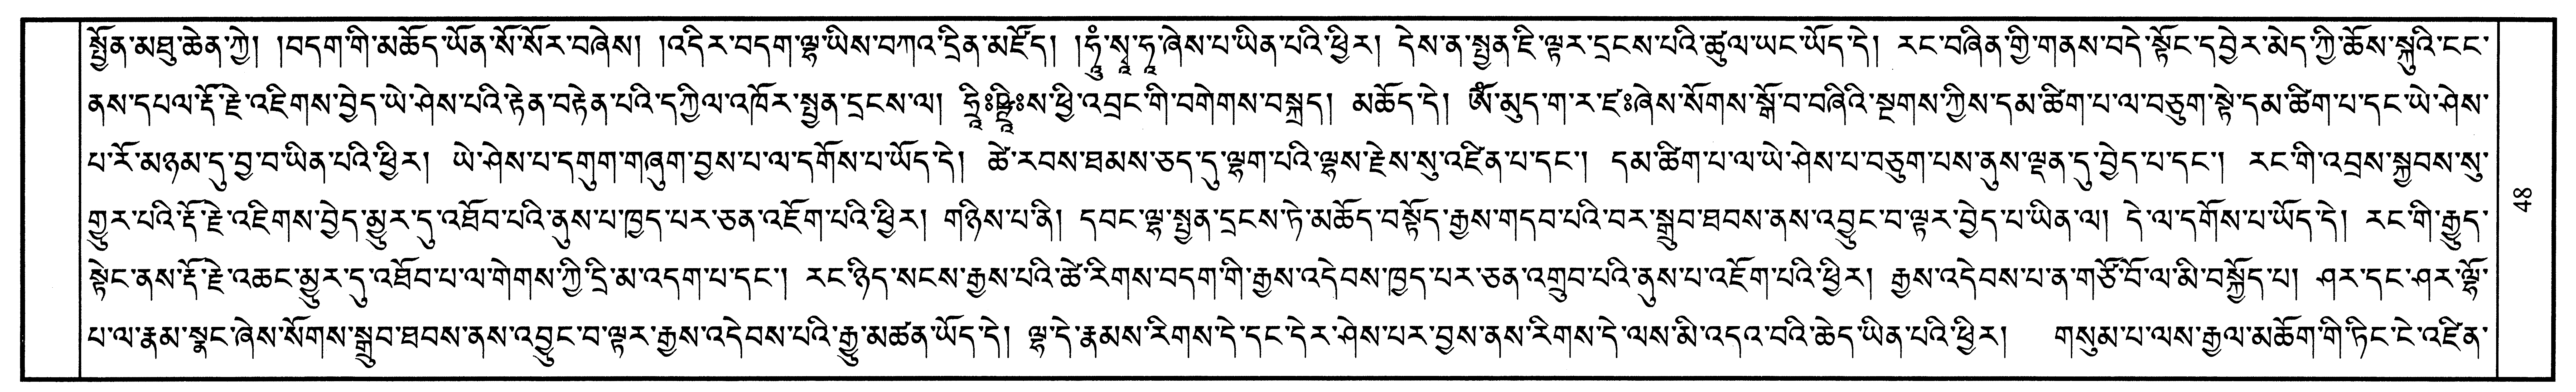སྤྱོན་མཐུ་ཆེན་ཀྱེ། །བདག་གི་མཆོད་ཡོན་སོ་སོར་བཞེས། །འདིར་བདག་ལྷ་ཡིས་བཀའ་དྲིན་མཛོད། །ཧཱུཾ་སྭཱ་ཧཱ་ཞེས་པ་ཡིན་པའི་ཕྱིར། དེས་ན་སྤྱན་ཇི་ལྟར་དྲངས་པའི་ཚུལ་ཡང་ཡོད་དེ། རང་བཞིན་གྱི་གནས་བདེ་སྟོང་དབྱེར་མེད་ཀྱི་ཆོས་སྐུའི་ངང་
ནས་དཔལ་རྡོ་རྗེ་འཇིགས་བྱེད་ཡེ་ཤེས་པའི་རྟེན་བརྟེན་པའི་དཀྱིལ་འཁོར་སྤྱན་དྲངས་ལ། ཧྲཱིཿ ཥྚྲཱིཿ ས་ཕྱི་འབྲང་གི་བགེགས་བསྐྲད། མཆོད་དེ། ཨོཾ་མུད་ག་ར་ཛཿ ཞེས་སོགས་སྒོ་བ་བཞིའི་སྔགས་ཀྱིས་དམ་ཚིག་པ་ལ་བཅུག་སྟེ་དམ་ཚིག་པ་དང་ཡེ་ཤེས་
པ་རོལ་མཉམ་དུ་བྱ་བ་ཡིན་པའི་ཕྱིར། ཡེ་ཤེས་པ་དགུག་གཞུག་བྱས་པ་ལ་དགོས་པ་ཡོད་དེ། ཚེ་རབས་ཐམས་ཅད་དུ་ལྷག་པའི་ལྷས་རྗེས་སུ་འཛིན་པ་དང་། དམ་ཚིག་པ་ལ་ཡེ་ཤེས་པ་བཅུག་པས་ནུས་ལྡན་དུ་བྱེད་པ་དང་། རང་གི་འབྲས་སྐྱབས་སུ་
གྱུར་པའི་རྡོ་རྗེ་འཇིགས་བྱེད་མྱུར་དུ་འཐོབ་པའི་ནུས་པ་ཁྱད་པར་ཅན་འཇོག་པའི་ཕྱིར། གཉིས་པ་ནི། དབང་ལྷ་སྤྱན་དྲངས་ཏེ་མཆོད་བསྟོད་རྒྱས་གདབ་པའི་བར་སྒྲུབ་ཐབས་ནས་འབྱུང་བ་ལྟར་བྱེད་པ་ཡིན་ལ། དེ་ལ་དགོས་པ་ཡོད་དེ། རང་གི་རྒྱུད་
སྟེང་ནས་རྡོ་རྗེ་འཆང་མྱུར་དུ་འཐོབ་པ་ལ་གེགས་ཀྱི་དྲི་མ་འདག་པ་དང་། རང་ཉིད་སངས་རྒྱས་པའི་ཚེ་རིགས་བདག་གི་རྒྱས་འདེབས་ཁྱད་པར་ཅན་འགྲུབ་པའི་ནུས་པ་འཇོག་པའི་ཕྱིར། རྒྱས་འདེབས་པ་ན་གཙོ་བོ་ལ་མི་བསྐྱོད་པ། ཤར་དང་ཤར་ལྷོ་
པ་ལ་རྣམ་སྣང་ཞེས་སོགས་སྒྲུབ་ཐབས་ནས་འབྱུང་བ་ལྟར་རྒྱས་འདེབས་པའི་རྒྱུ་མཚན་ཡོད་དེ། ལྷ་དེ་རྣམས་རིགས་དེ་དང་དེར་ཤེས་པར་བྱས་ནས་རིགས་དེ་ལས་མི་འདའ་བའི་ཆེད་ཡིན་པའི་ཕྱིར། གསུམ་པ་ལས་རྒྱལ་མཆོག་གི་ཏིང་ངེ་འཛིན་